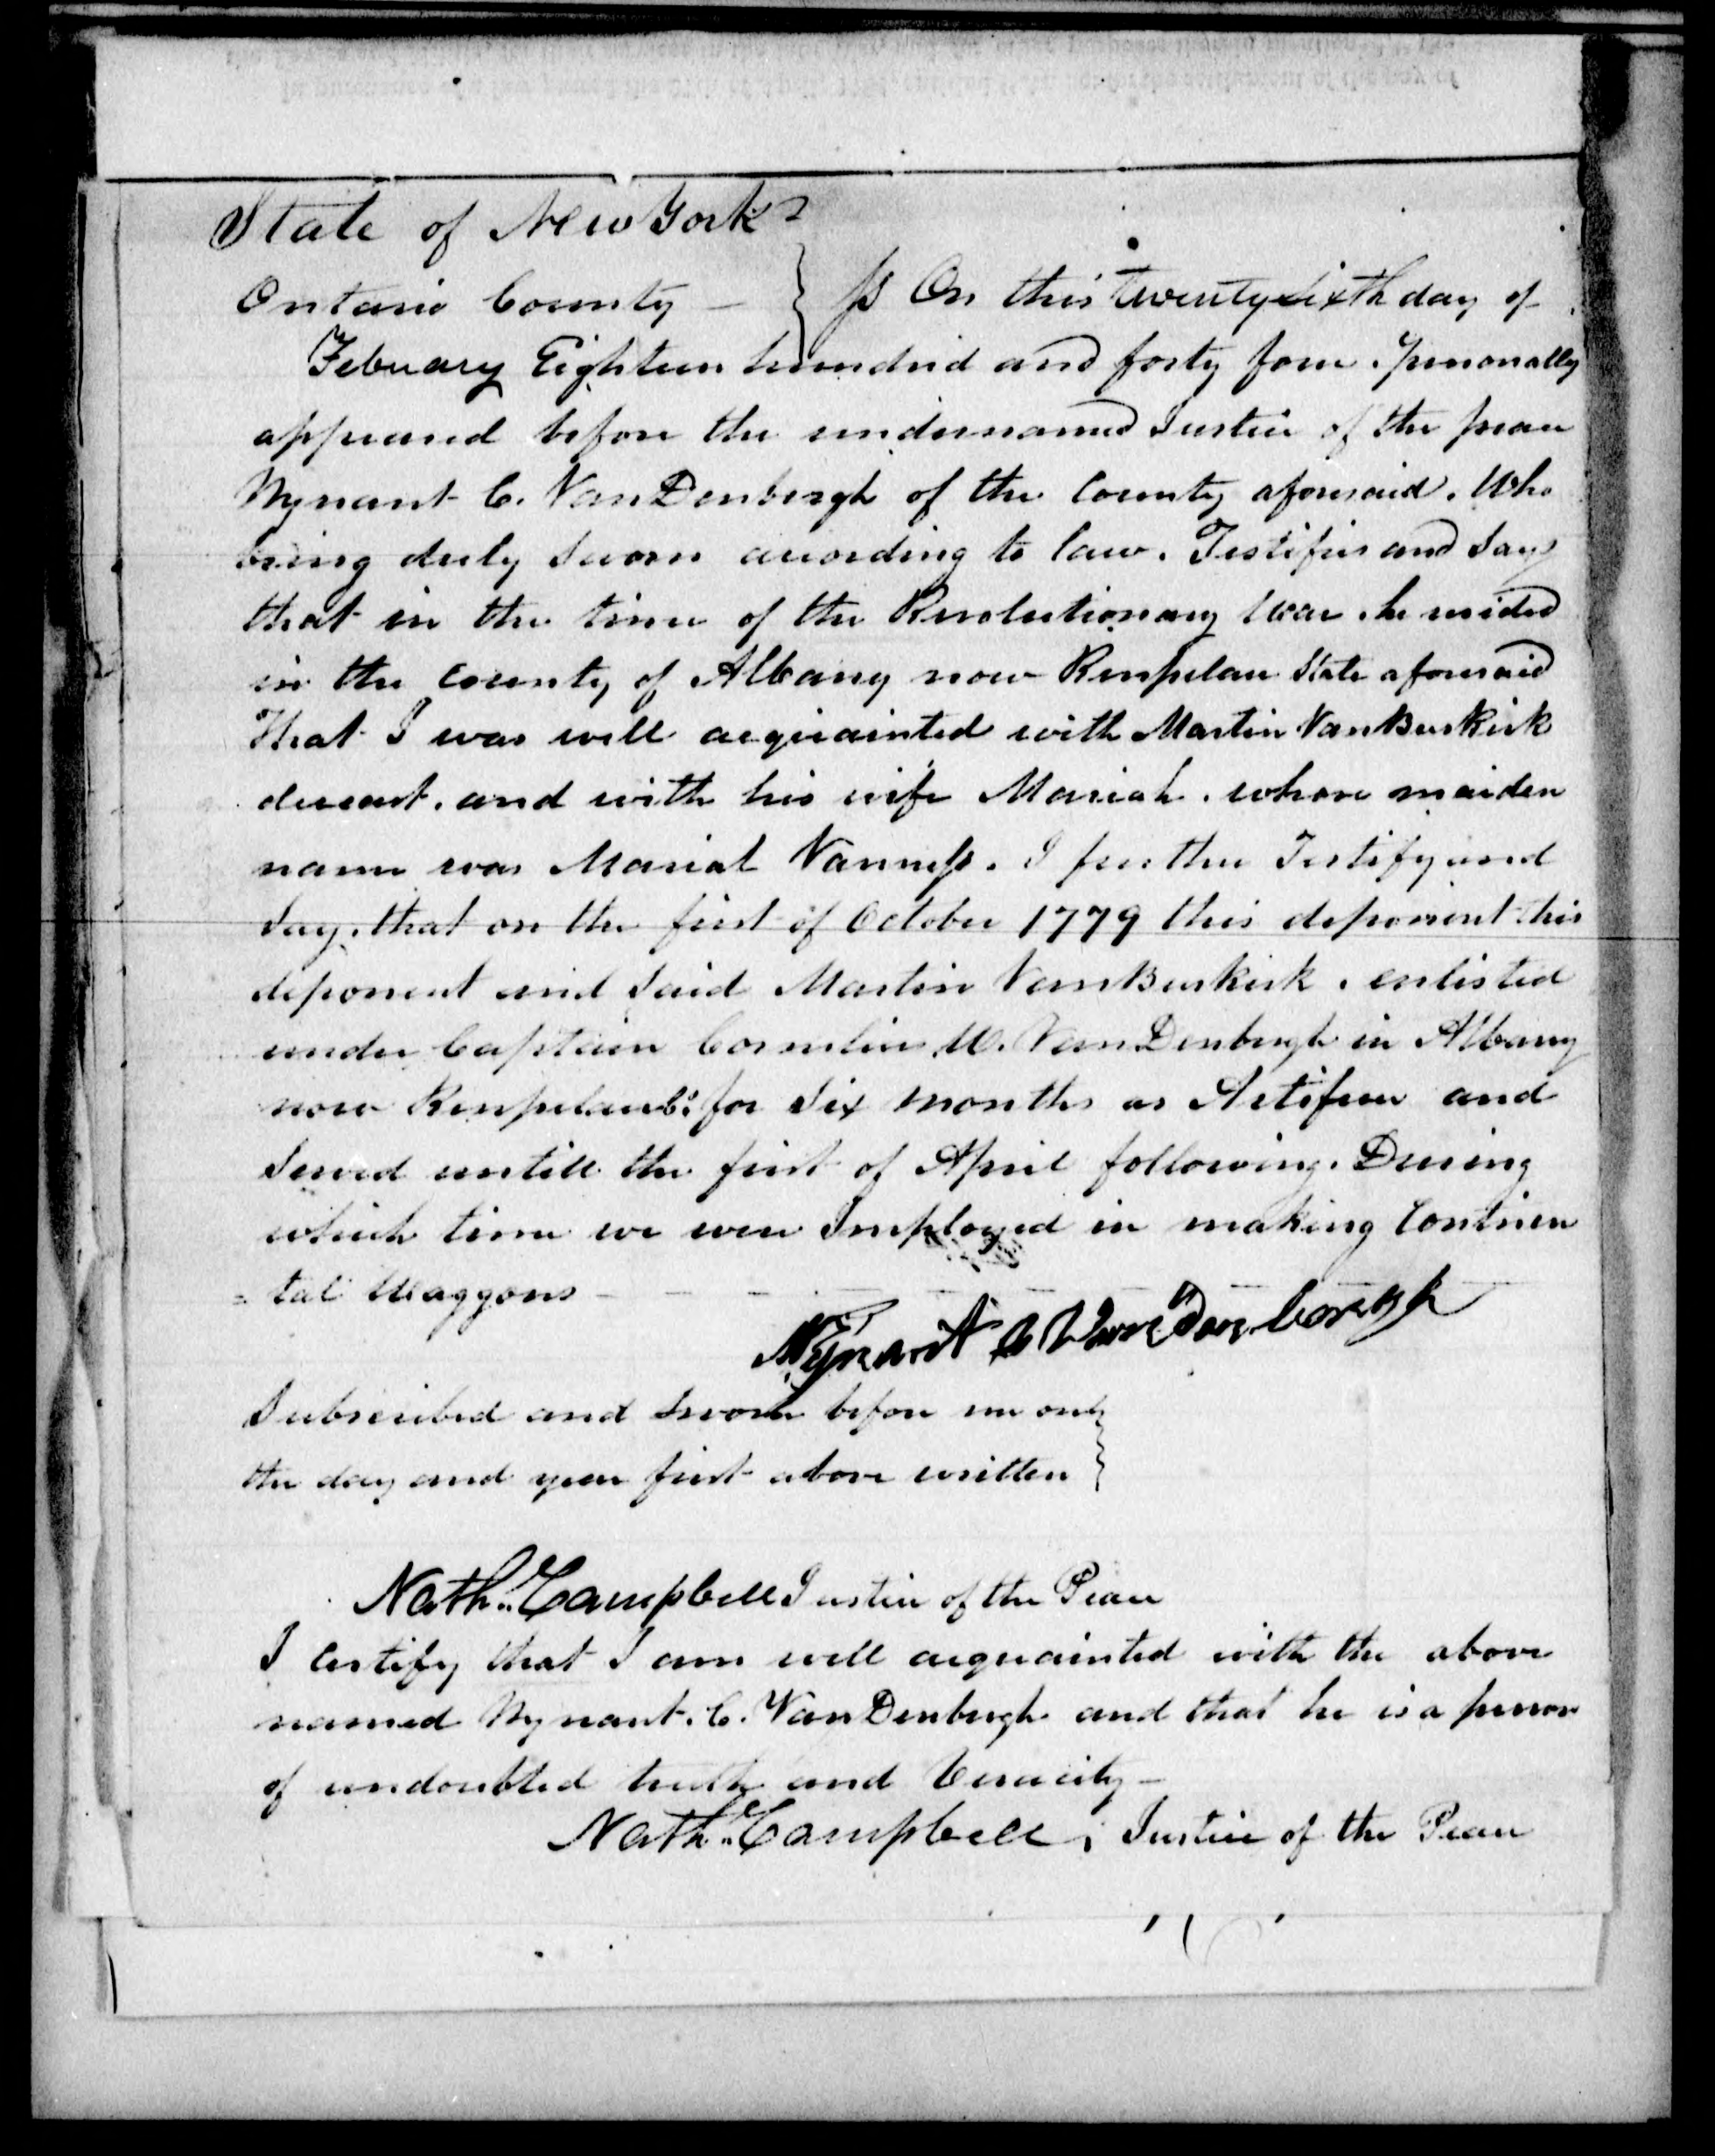State of New York
Ontario County ss
On this twenty sixth day of February Eighteen hundred and forty four personally appeared before the undernamed Justice of the peace
Wynant C. Van Denbergh of the County aforesaid, who being duly sworn according to law, Testifies and says that in the time of the Revolutionary war he resided in the County of Albany now Rensselaer State aforesaid, That I was well acquainted with Martin Van Buskirk
deceased, and with his wife Mariah whose maiden name was Mariah Van Ness. I further Testify and say, that on the first of October 1779 this deponent his deponent and said Martin Van Buskirk enlisted under Captain Cornelius M. Van Denbergh in Albany now Rensselaer for six months as Artificer and
served untill the first of April following. During
which time we were imployed in making Continental waggons
Wynant Van Denbergh [signature]

Subscribed and sworn before me on the day and year first above written

Nathl. Campbell Justice of the Peace I certify that I am well acquainted with the above
named Wynant C. Van Denbergh and that he is a person of undoubted truth and veracity -
Nathl. Campbell [signature] Justice of the Peace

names: Cornelius M Van Denbergh, Wynant C Vandenbergh, Wynant C Van Denbergh, Nathl Campbell, Mariah, Martin Van Buskirk, Nathl Campbell, Martin Van Buskirk, Wynant C Van Denbergh, Mariah Vanness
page: 7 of 70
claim: rejected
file: R. 10,832, Martin Van Buskirk, New York.